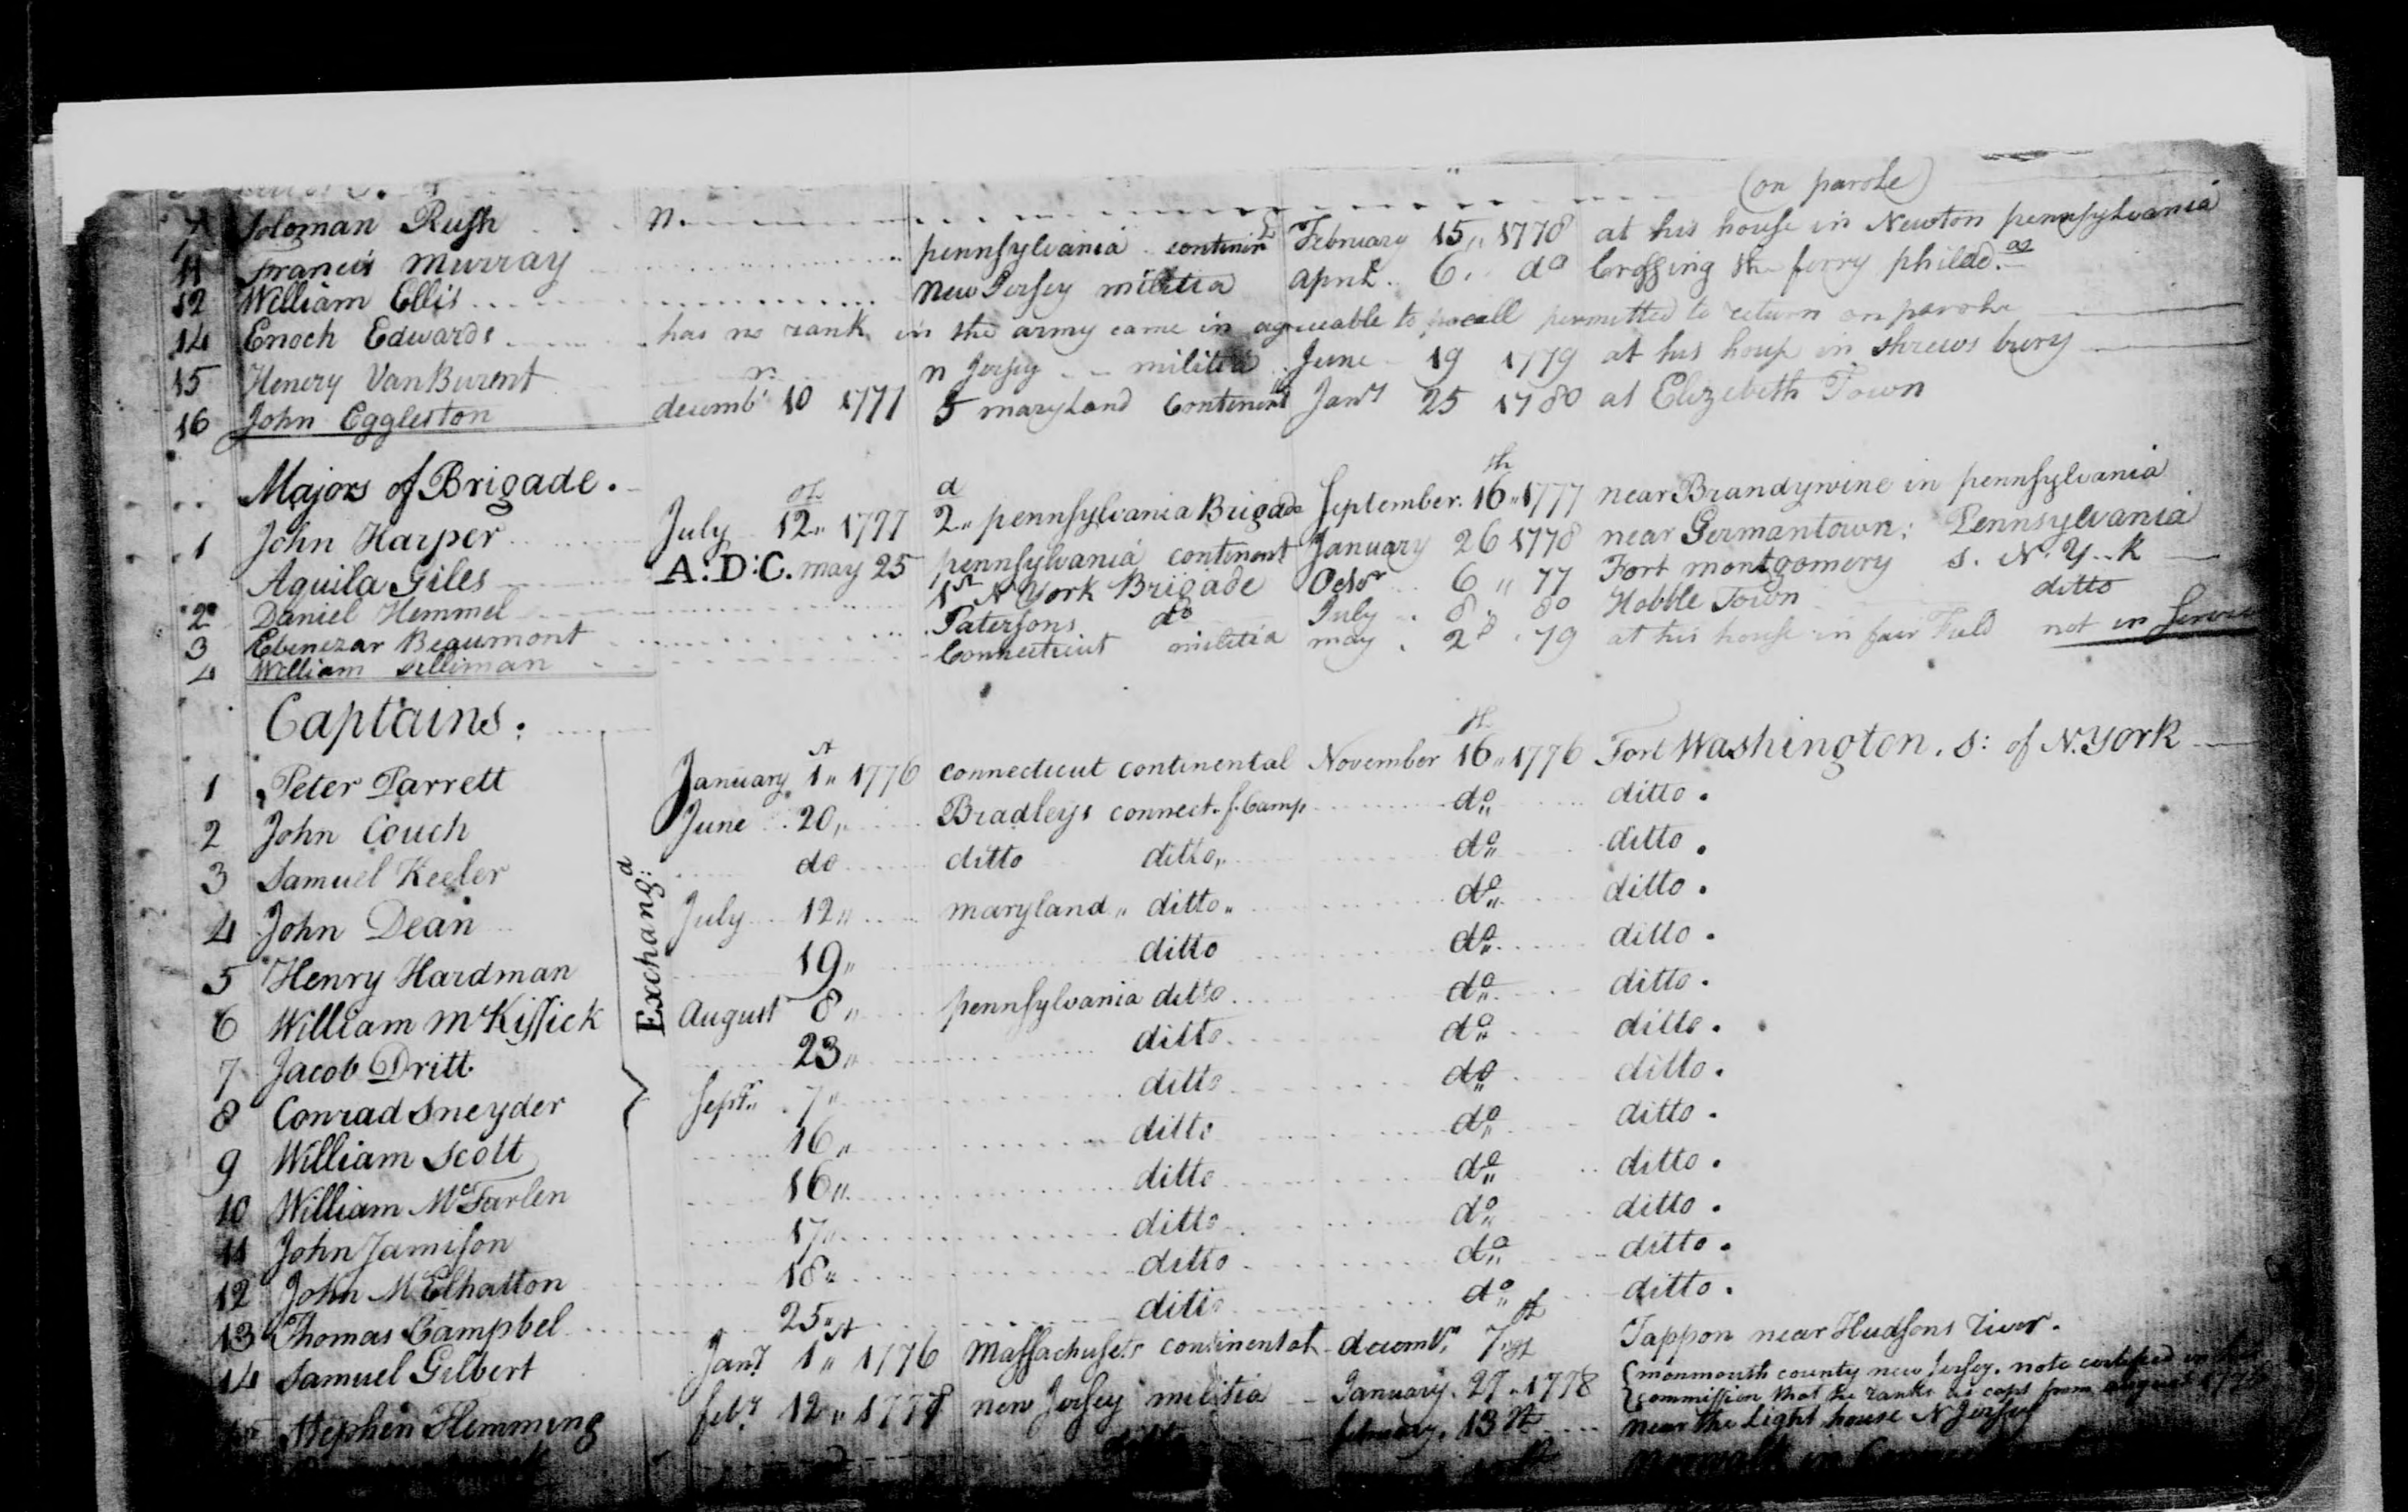[headings same as previous page] 
[no illegible] / Soloman Rush / ...../ ...../ ...../ .. (on parole) 
11 / Francis Murray / ..... / pennsylvania continen/ February 15, 1778 / at this house in Newton pennsylvania
12 / William Ellis / ..... / New Jersey militia / April 6, do / Crossing the ferry Philada. 
 14 / Enoch Edwards / has no rank in the army came in agreeable to pocall permitted to return on parole...
15 / Henery VanBurent / ..... / n Jersey Militia / June 19 1779 / at his house in Shrewsbury.
16 / John Eggleston / decembr. 10 1777 / S Maryland continent / Jany 25 1780 / at Elizebeth Town
-------
Majors of Brigade. 
1 / John harper / July 12th, 1777 / 2d. Pennsylvania Brigade / September 16th, 1777 / near Brandywine in Pennsylvania.
/ Aquila Giles / A:D:C. May 25 / Pennsylvania continent / January 26 1778 / near Germantown: Pennsylvania
2 / Daniel Hemmel / ..... / 1st N York Brigade / Octr 6 " 77 / Fort Montgomery S. N. York
3 / Ebenezar Beaumont / ..... / Patersons do.. / July 8 . 80 / Hobble Town .. ditto.
4 / William Silliman / ..... / Connecticut militia / May 2 . 79 / at his house in fair Field not in Service
----------------
Captains. 
[written perpendicular between names and dates] Exchangd:
1 / Peter / Parrett / January 1st, 1776 / Connecticut continental / November 16th, 1776 / Fort Washington, S: of N. York.
 2 / John Couch / June 20, ... / Bradleys connect. f. Camp / do" / ditto.
3 / Samuel Keeler / ..do / ditto ditto / do" / ditto.
4 / John Dean / July 12... / Maryland, diitto / do" / ditto.
5 / Henry Hardman / ...19... / .....ditto / do" / ditto. 
6 / William McKissick / August 8... / Pennsylvania ditto / do" / ditto
7 / Jacob Dritt / ...23.../ ditto / do" / ditto.
8 / Conrad Sneyder / Sept 7 " / ditto / do" / ditto. 
 9 / William Scott / ...16 " / ditto / do" / ditto.
10 / William McFarlen / ...16 " / ditto / do" / ditto. 
11 / John Jamison / ...17 " / ditto / do" / ditto. 
12 / John McElhatton / ...18 " / ditto / do" / ditto.
13/ Thomas Campbel / ...25 " / ditto / do" / ditto.
14 / Samuel Gilbert / Jany 1 1776 / Massachusets continental / decemr, 7th / Tappon near Hudsons River.
15 / Stephen Flemming / feby 12 1778 / New Jersey militia / January 27, 1778 / {Monmouth county new Jersey, not certified in [illegible] commission that he ranks as capt from August 177[illegible] 
[illegible] / ditto / ditto / february 13th... / near the light house N. Jersey
[last line cutoff or illegible except final column] Norwalk in Connecticut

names: William Ellis, John Mc Elhatton, William Mc Kissick, Soloman Rush, John Eggleston, , John Jamison, William Silliman, Samuel Keeler, Peter Parrett, Francis Murray, William Scott, Ebenezar Beaumont, John Harper, John Couch, Thomas Campbel, Conrad Sneyder, Henery Van Burnt, William Mc Farlen, John Dean, Aquila Giles, Daniel Hemmel, Samuel Gilbert, Henry Hardman, Stephen Flemming, Jacob Dritt, Enoch Edwards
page: 20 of 57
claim: survivor's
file: S. 2161, Hezekiah Davies, Penn